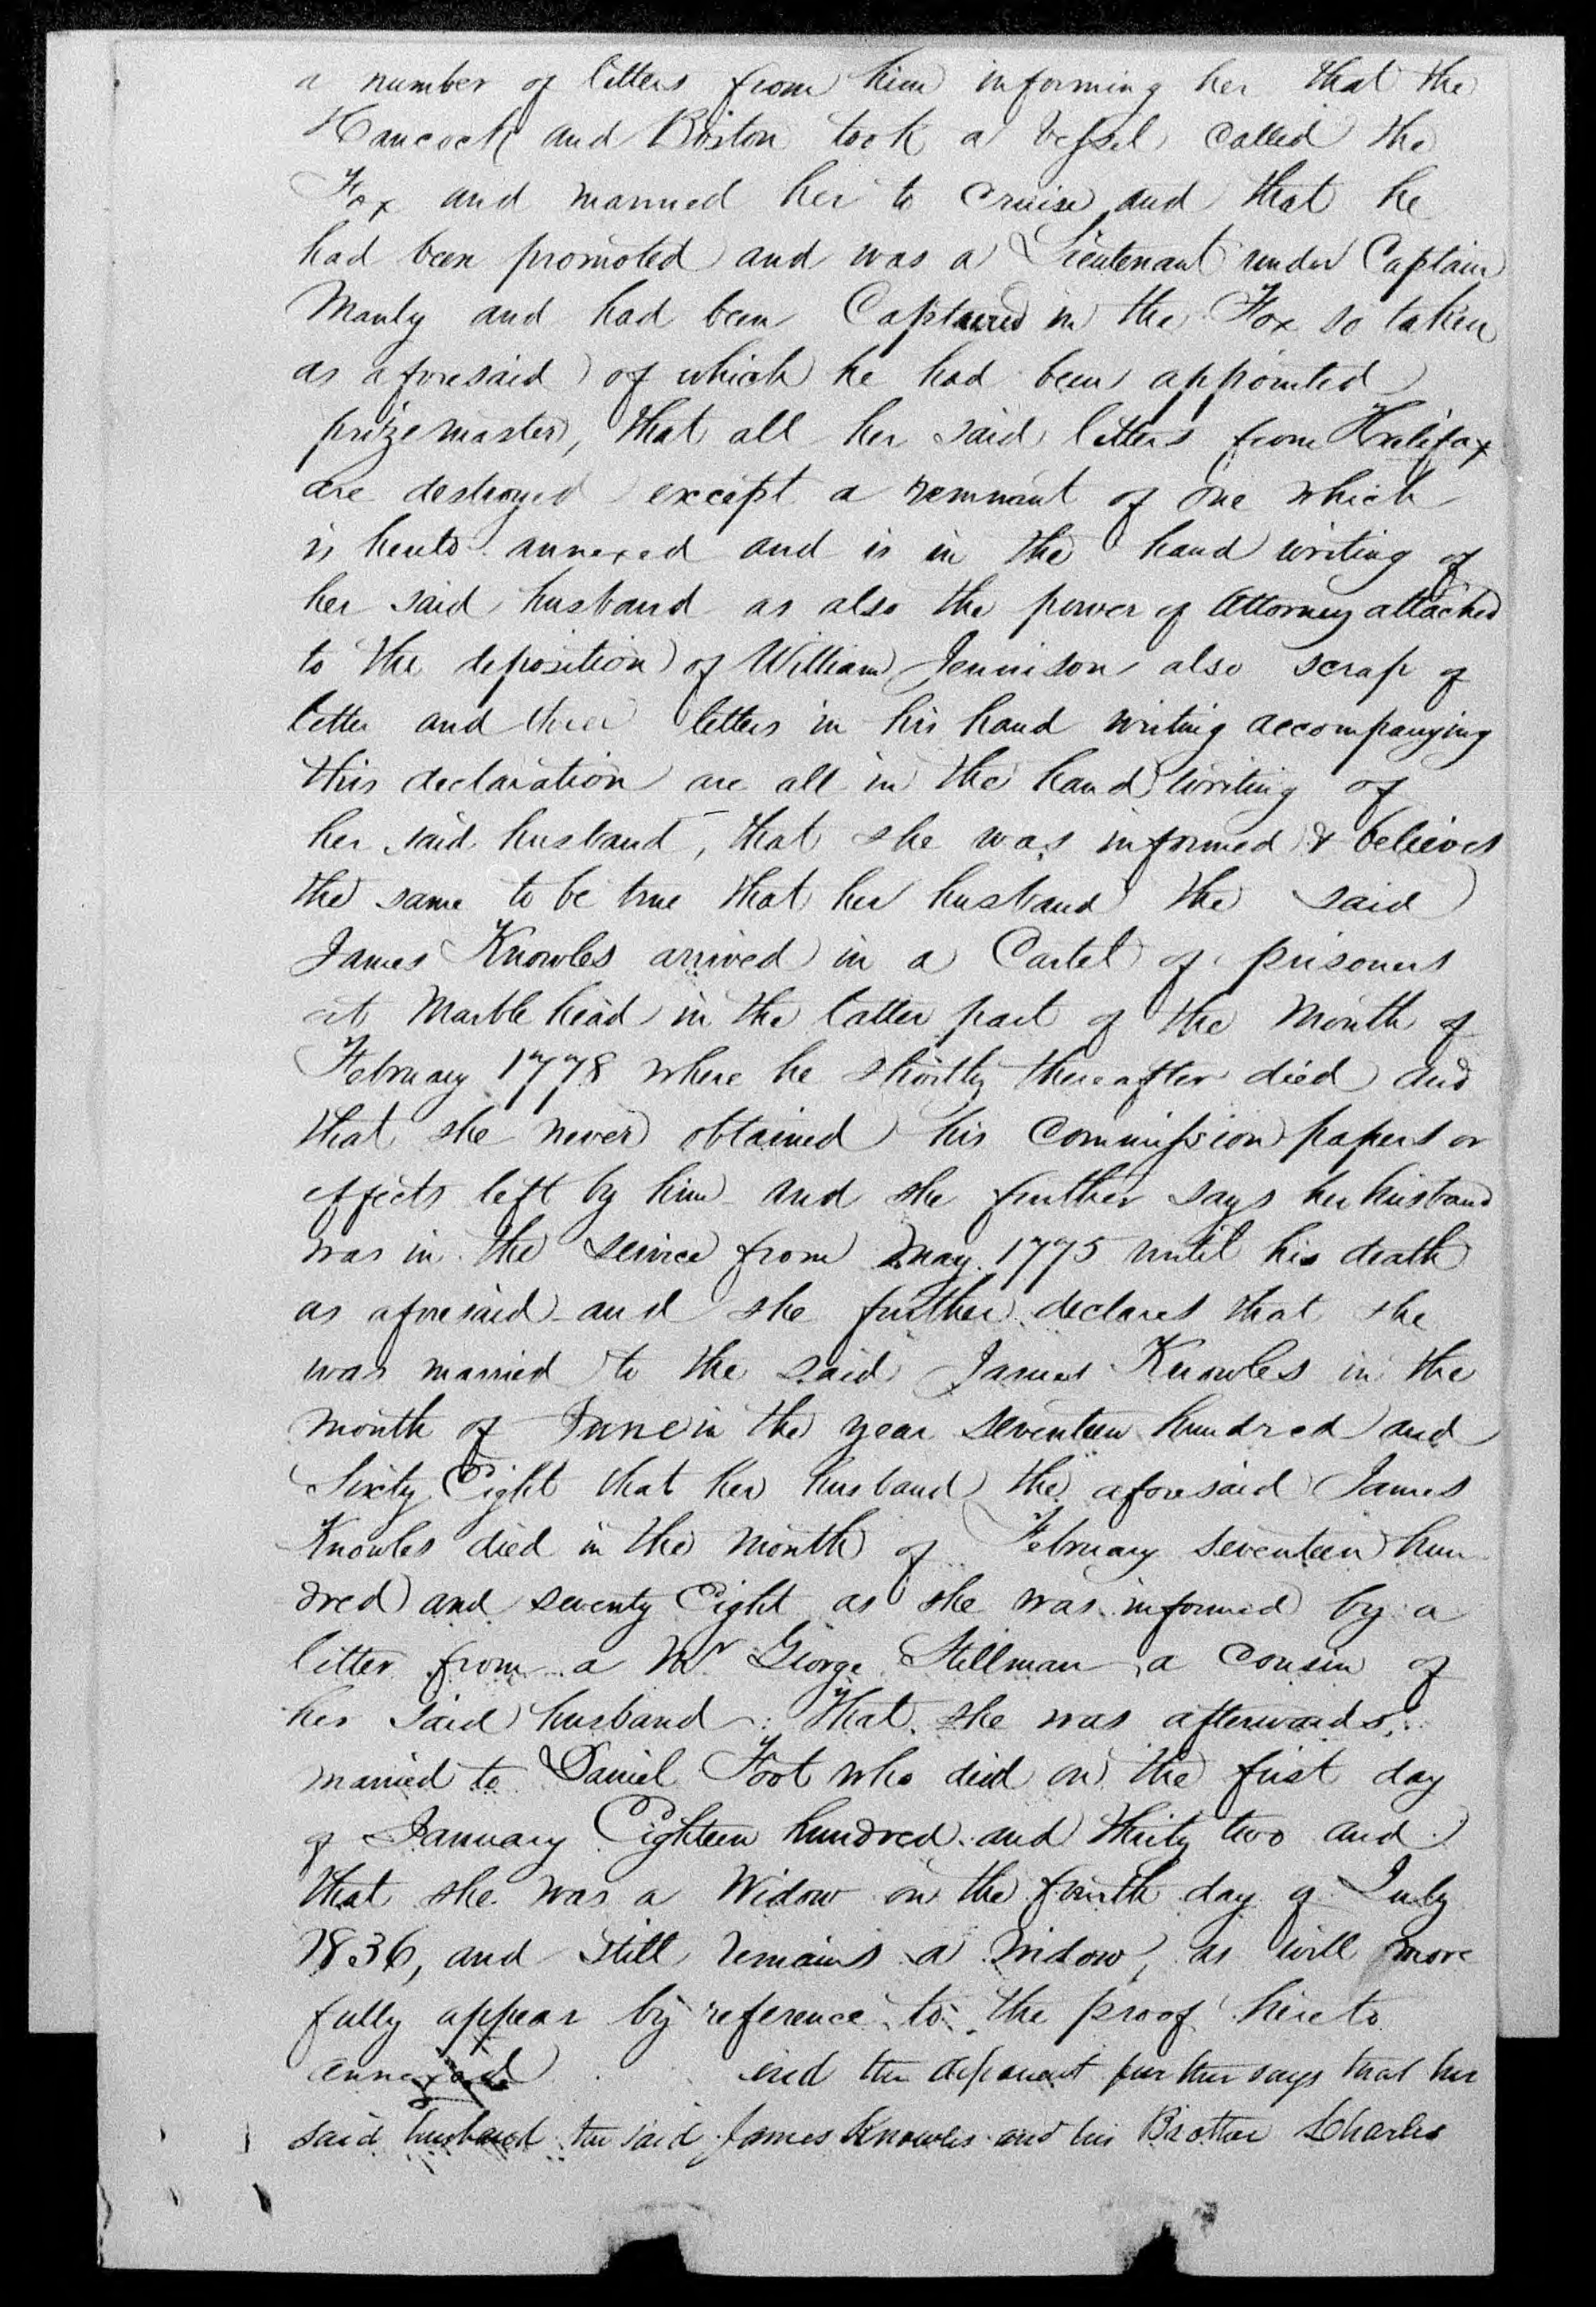a number of letters  from him informing her that the Hancock and Boston took a vessel called the Fox and manned her to cruise and that he had been promoted and was a Lieutenant under Captain Manly and had been Captured on the Fox so taken as aforesaid of which he had been appointed prizemaster, that all her said letters from Halefax are destroyed except a remnant of one which is hereto annexed and is in the hand writing of her said husband as also the power of attorney attached to the deposition of William Jennison also scrap of letter and three letters in his hand writing accompanying this declaration are all in the hand writing of her said husband, that she was informed & believes the same to be true that her husband the said James Knowles arrived in a Cartel of prisoners at Marblehead in the latter part of the month of February 1778 where he shortly thereafter died and that she never obtained his commission papers or effects left by him and she further says her husband was in the service from May 1775 until his death as aforesaid--and she further declared that she was married to the said James Knowles in the month of June in the year Seventeen hundred and Sixty Eight that her husband the aforesaid James Knowles died in the month of February Seventeen hundred and seventy Eight as she was informed by a letter from a Mr. George Stillman, a cousin of her said husband. That she was afterwards married to Daniel Foot who died on the first day of January Eighteen hundred and thirty two and that she was a Widow on the fourth day of July 1836, and still remains a widow, as will more fully appear by reference to the proof hereto annexed and the deponent further says that her said husband the said James Knowles and his Brother Charles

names: Charles [BLANK]; [BLANK] Manly; James Knowles; William Jennison; Daniel Foot; George Stillman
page: 6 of 60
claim: widow's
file: W. 14,036, for James Knowles, Connecticut